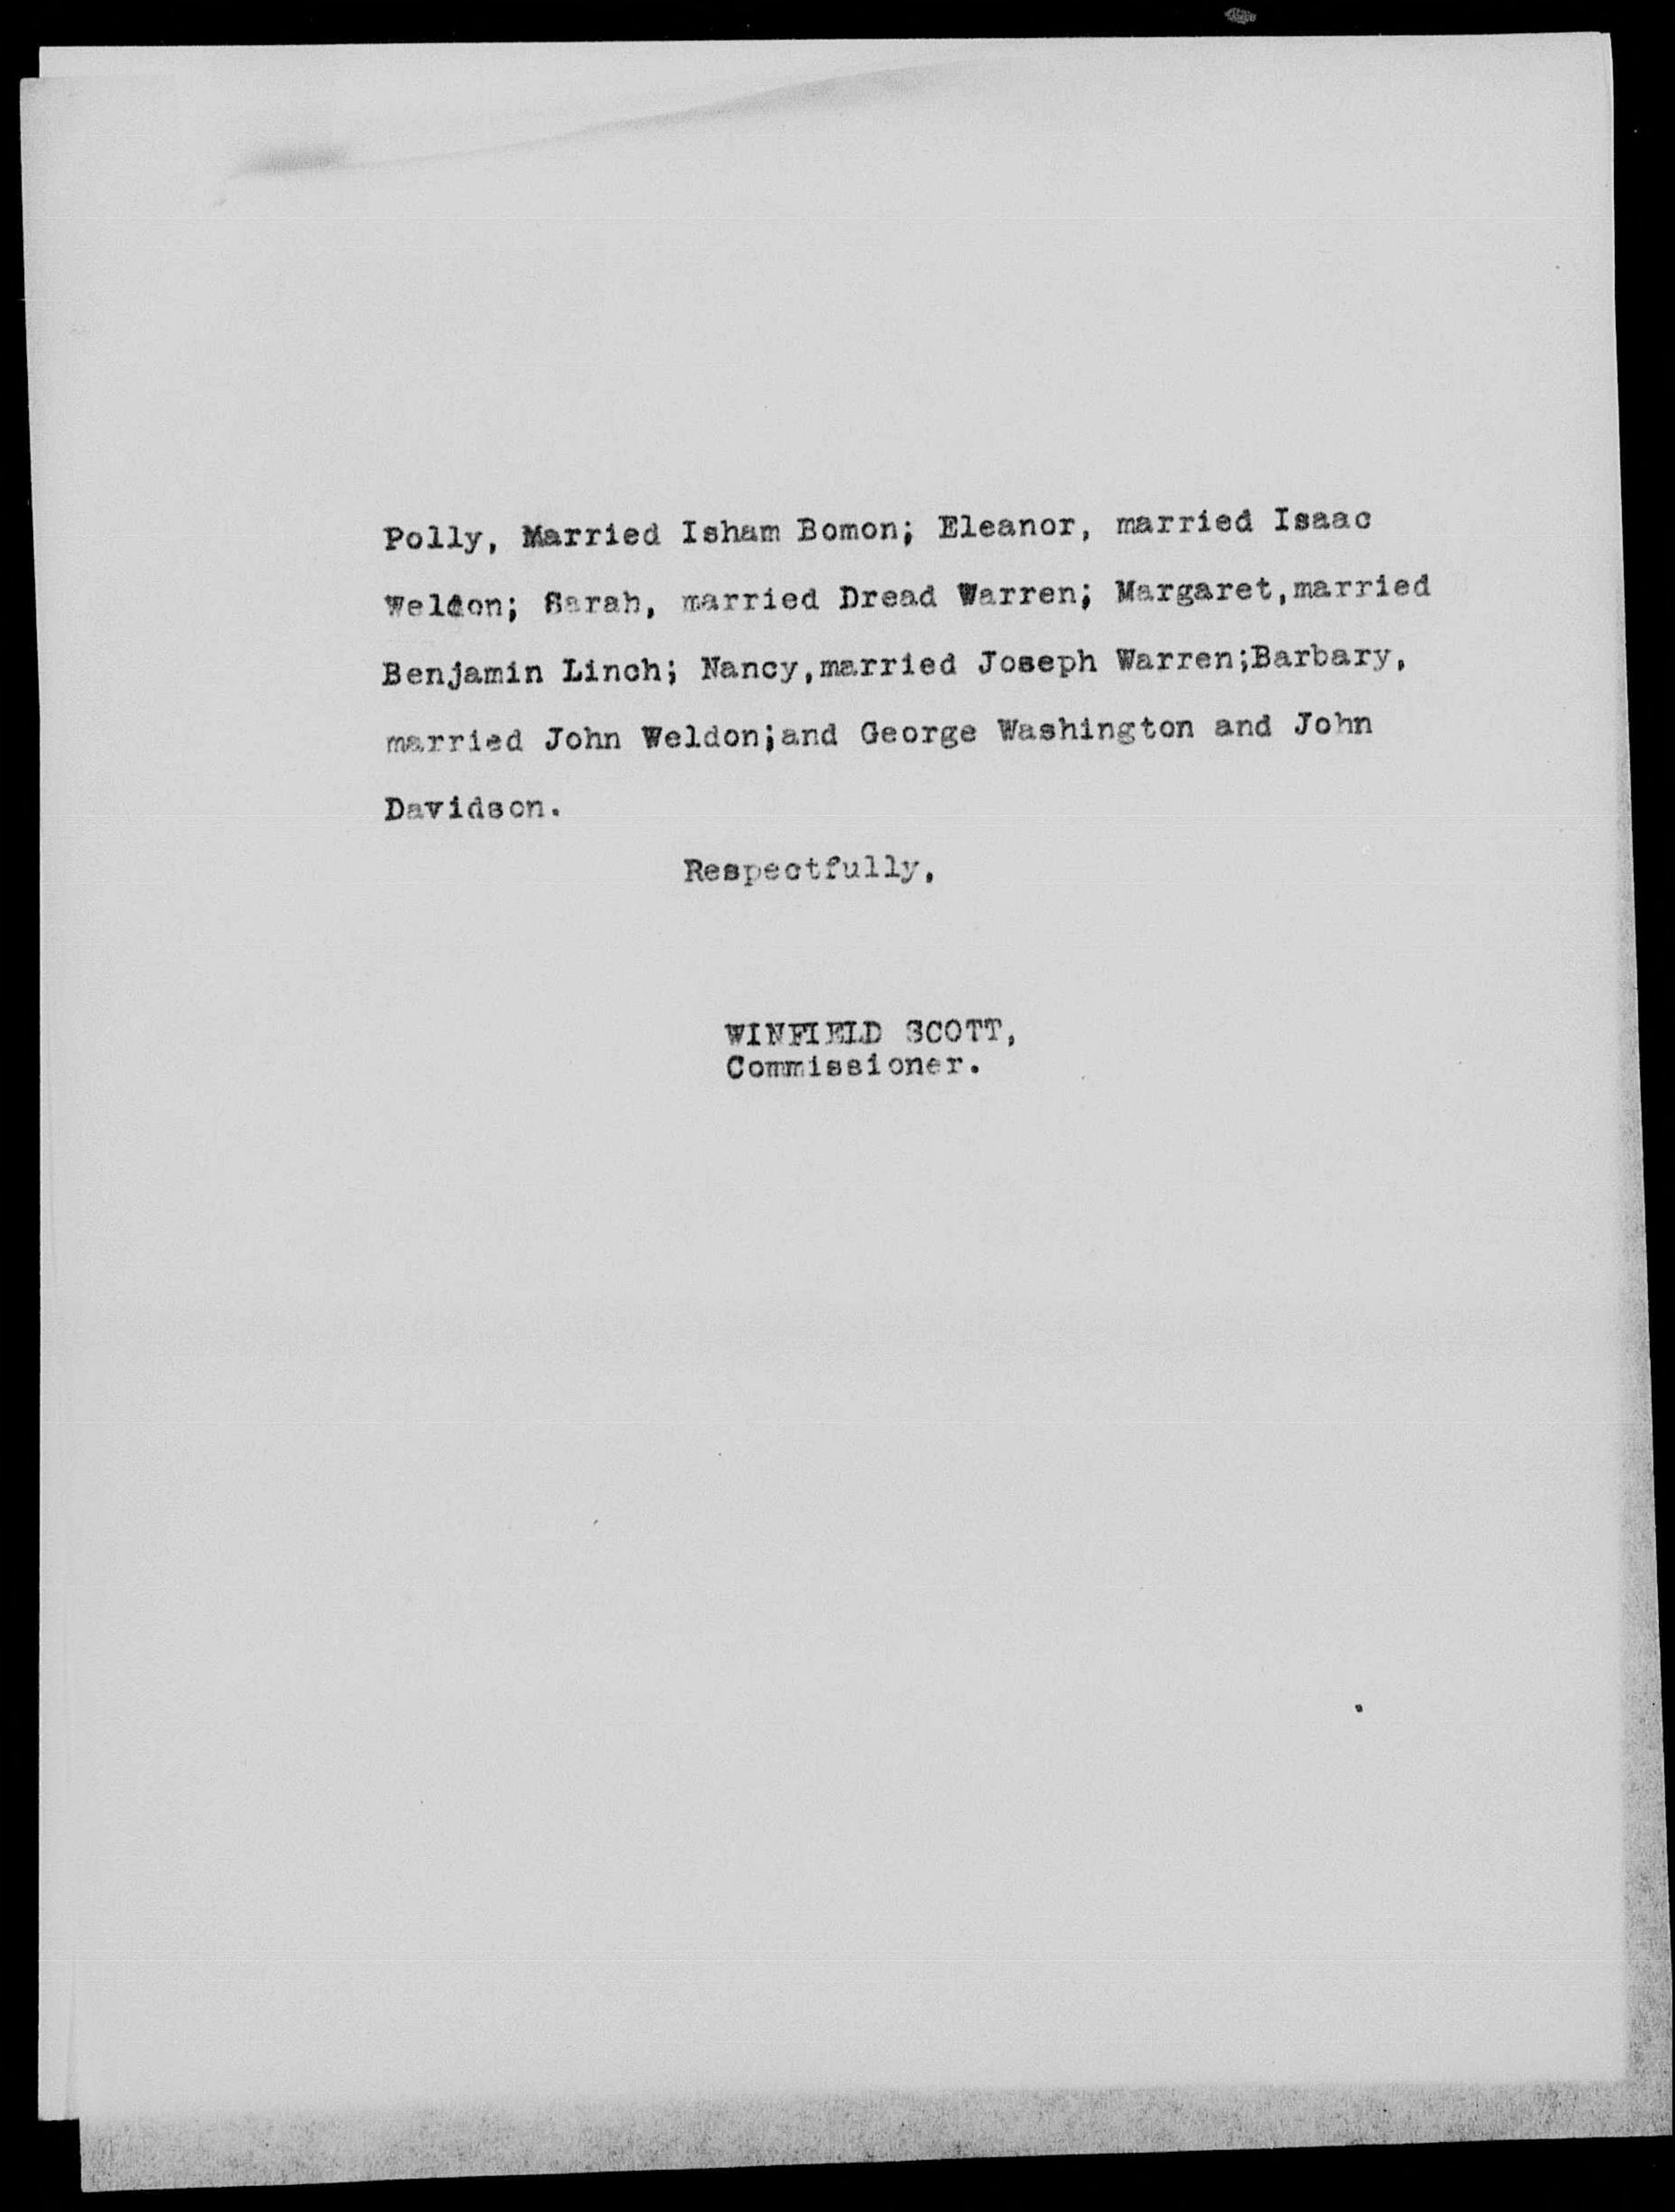Polly, Married Isham Bomon; Eleanor, married Isaac Weldon; Sarah, married Dread Warren; Margaret, married Benjamin Linch; Nancy, married Joseph Warren; Barbary, married John Weldon; and George Washington and John
Davidson.

Respectfully,
WINFIELD SCOTT,
Commissioner.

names: George Washington, Margaret, John Weldon, John Davidson, Nancy, Isham Bomon, Dread Warren, Barbary, Winfield Scott, Sarah, Isaac Weldon, Polly, Benjamin Linch, Eleanor, Joseph Warren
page: 63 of 63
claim: widow's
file: W. 4175, Joseph Davidson, N.C.